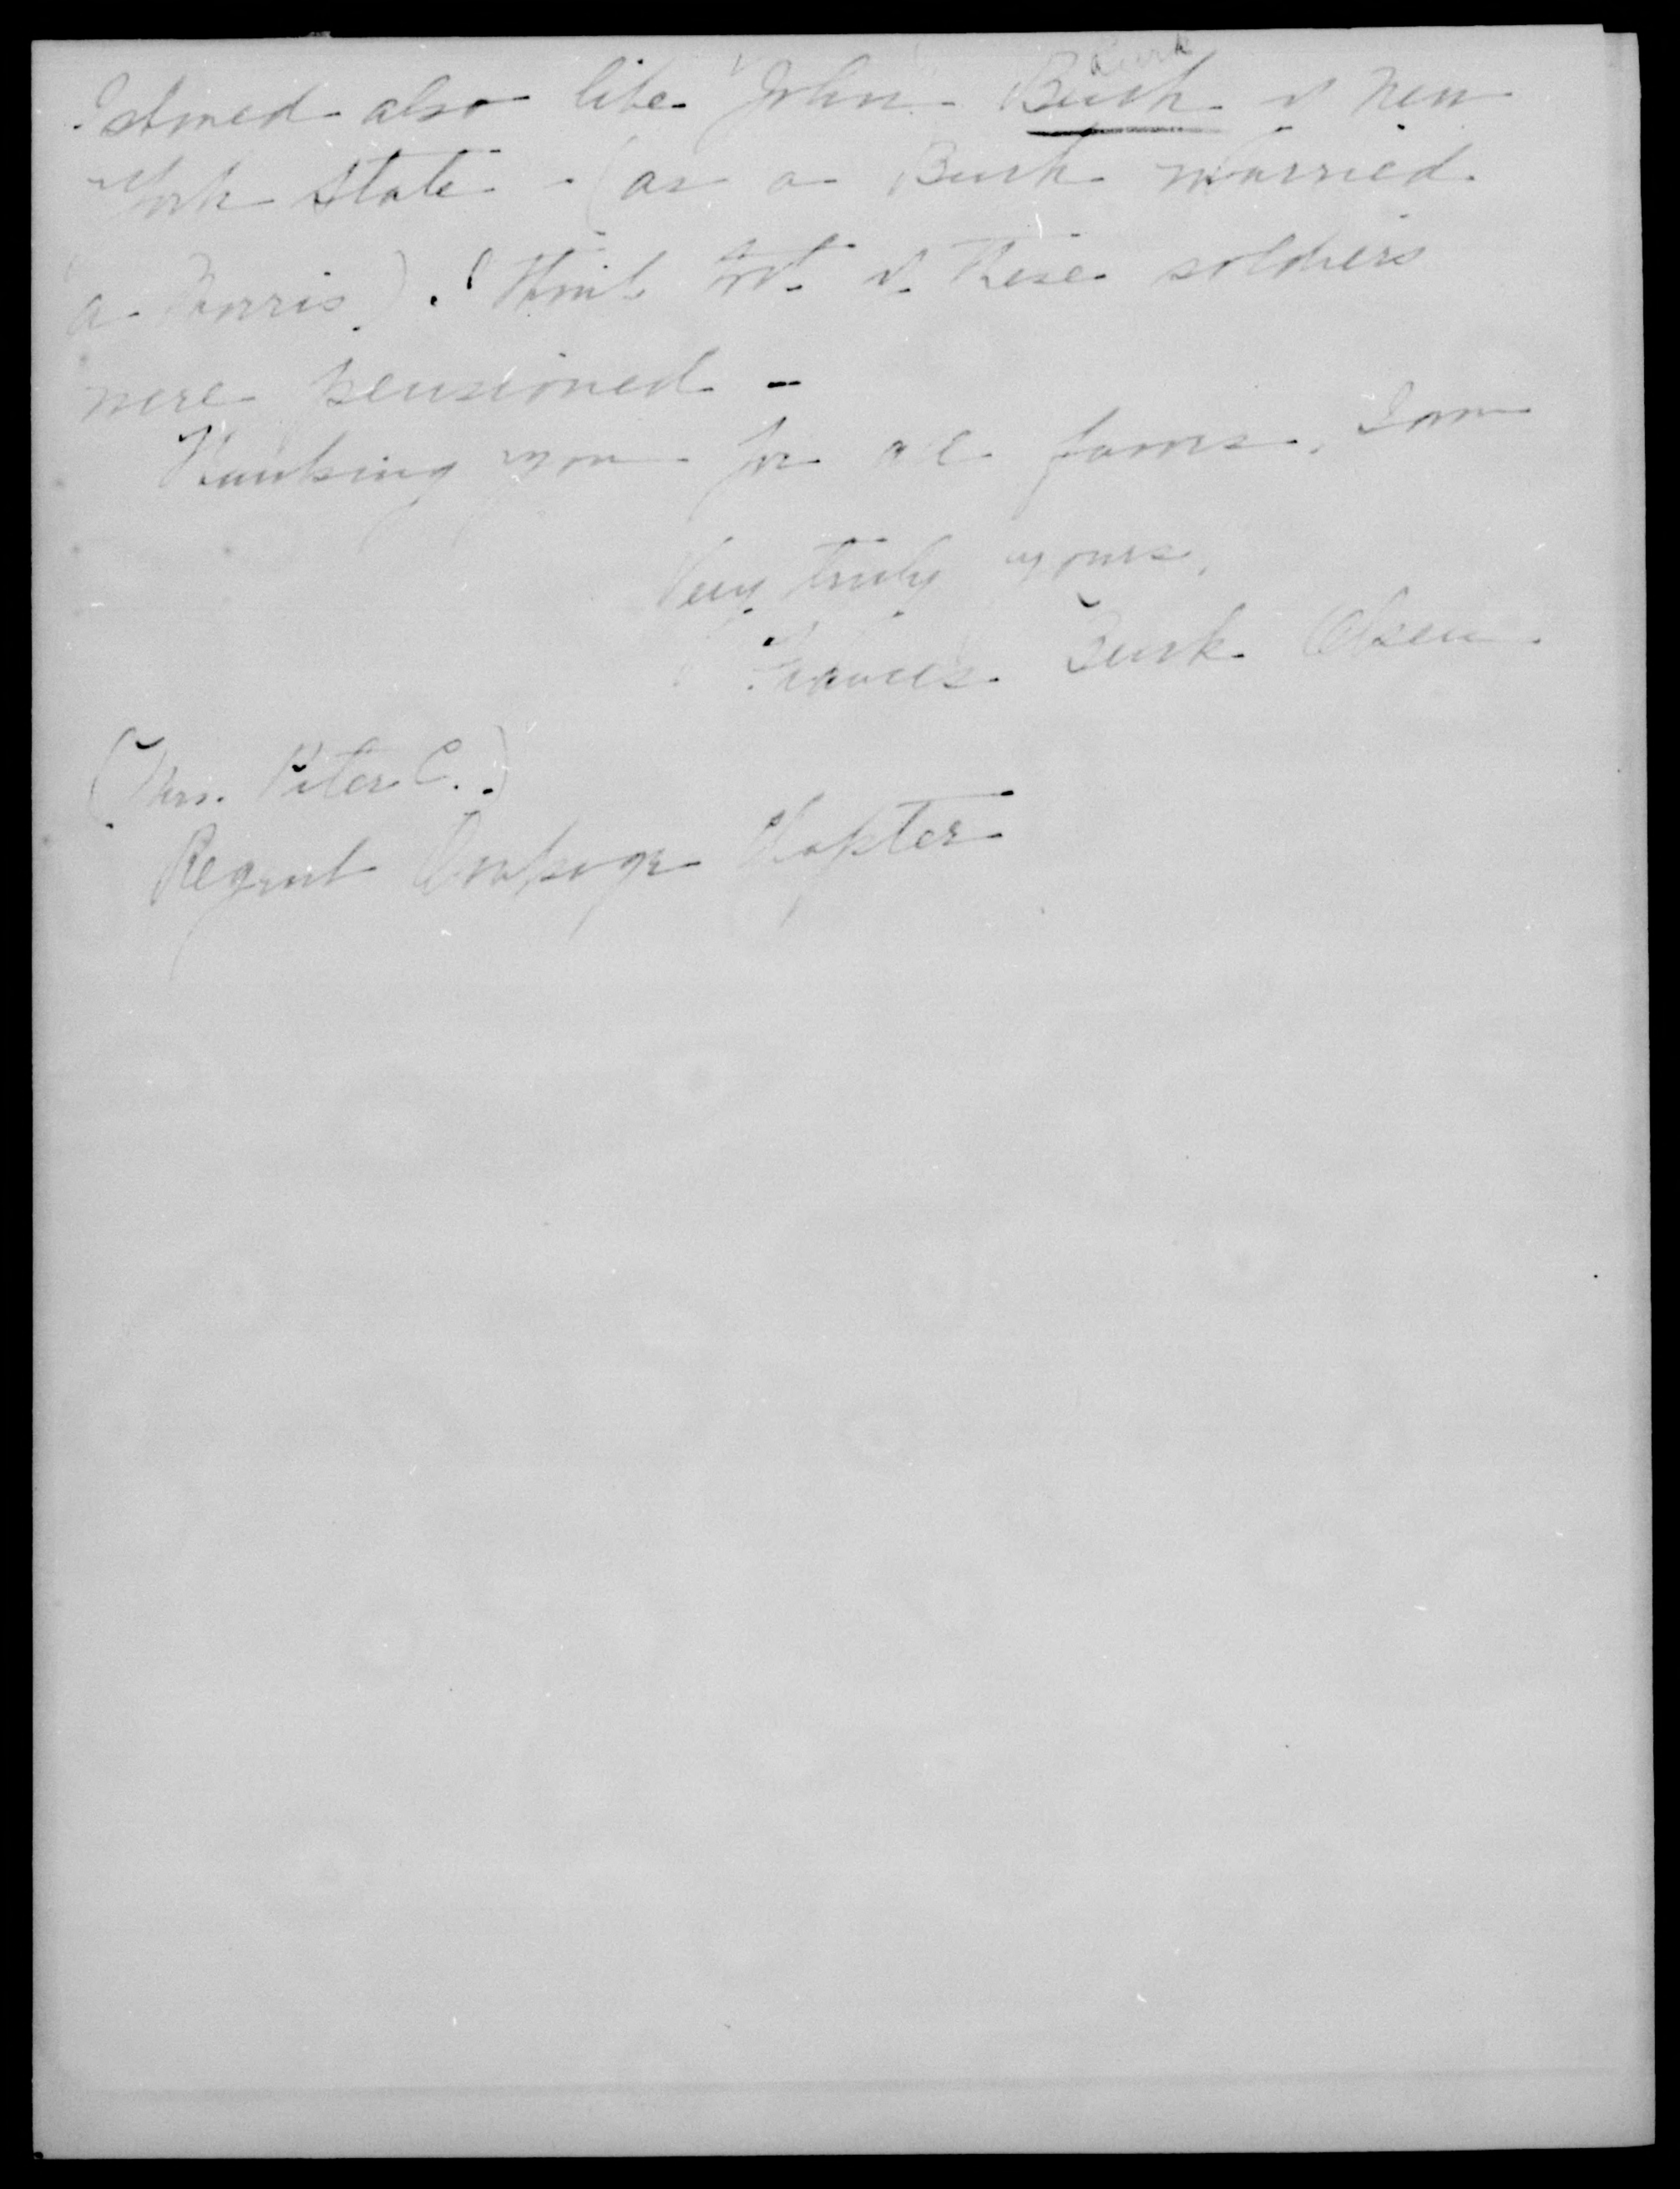- also like John Burk of New
York state, (as a Burk married.
a Morris) I think not of there solders
were pensioned -
Thanking you for all [illegible]. I am
Very truly yours
Francis Burk Olsen
(Mrs. Peter C.)
Regent Ompage Chapter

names: Peter C [BLANK]; Francis Burk Olsen; [BLANK] Morris; John Burk; [BLANK] Burk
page: 20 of 25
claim: survivor's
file: S. 42,272, for Joseph Sheffield, Connecticut